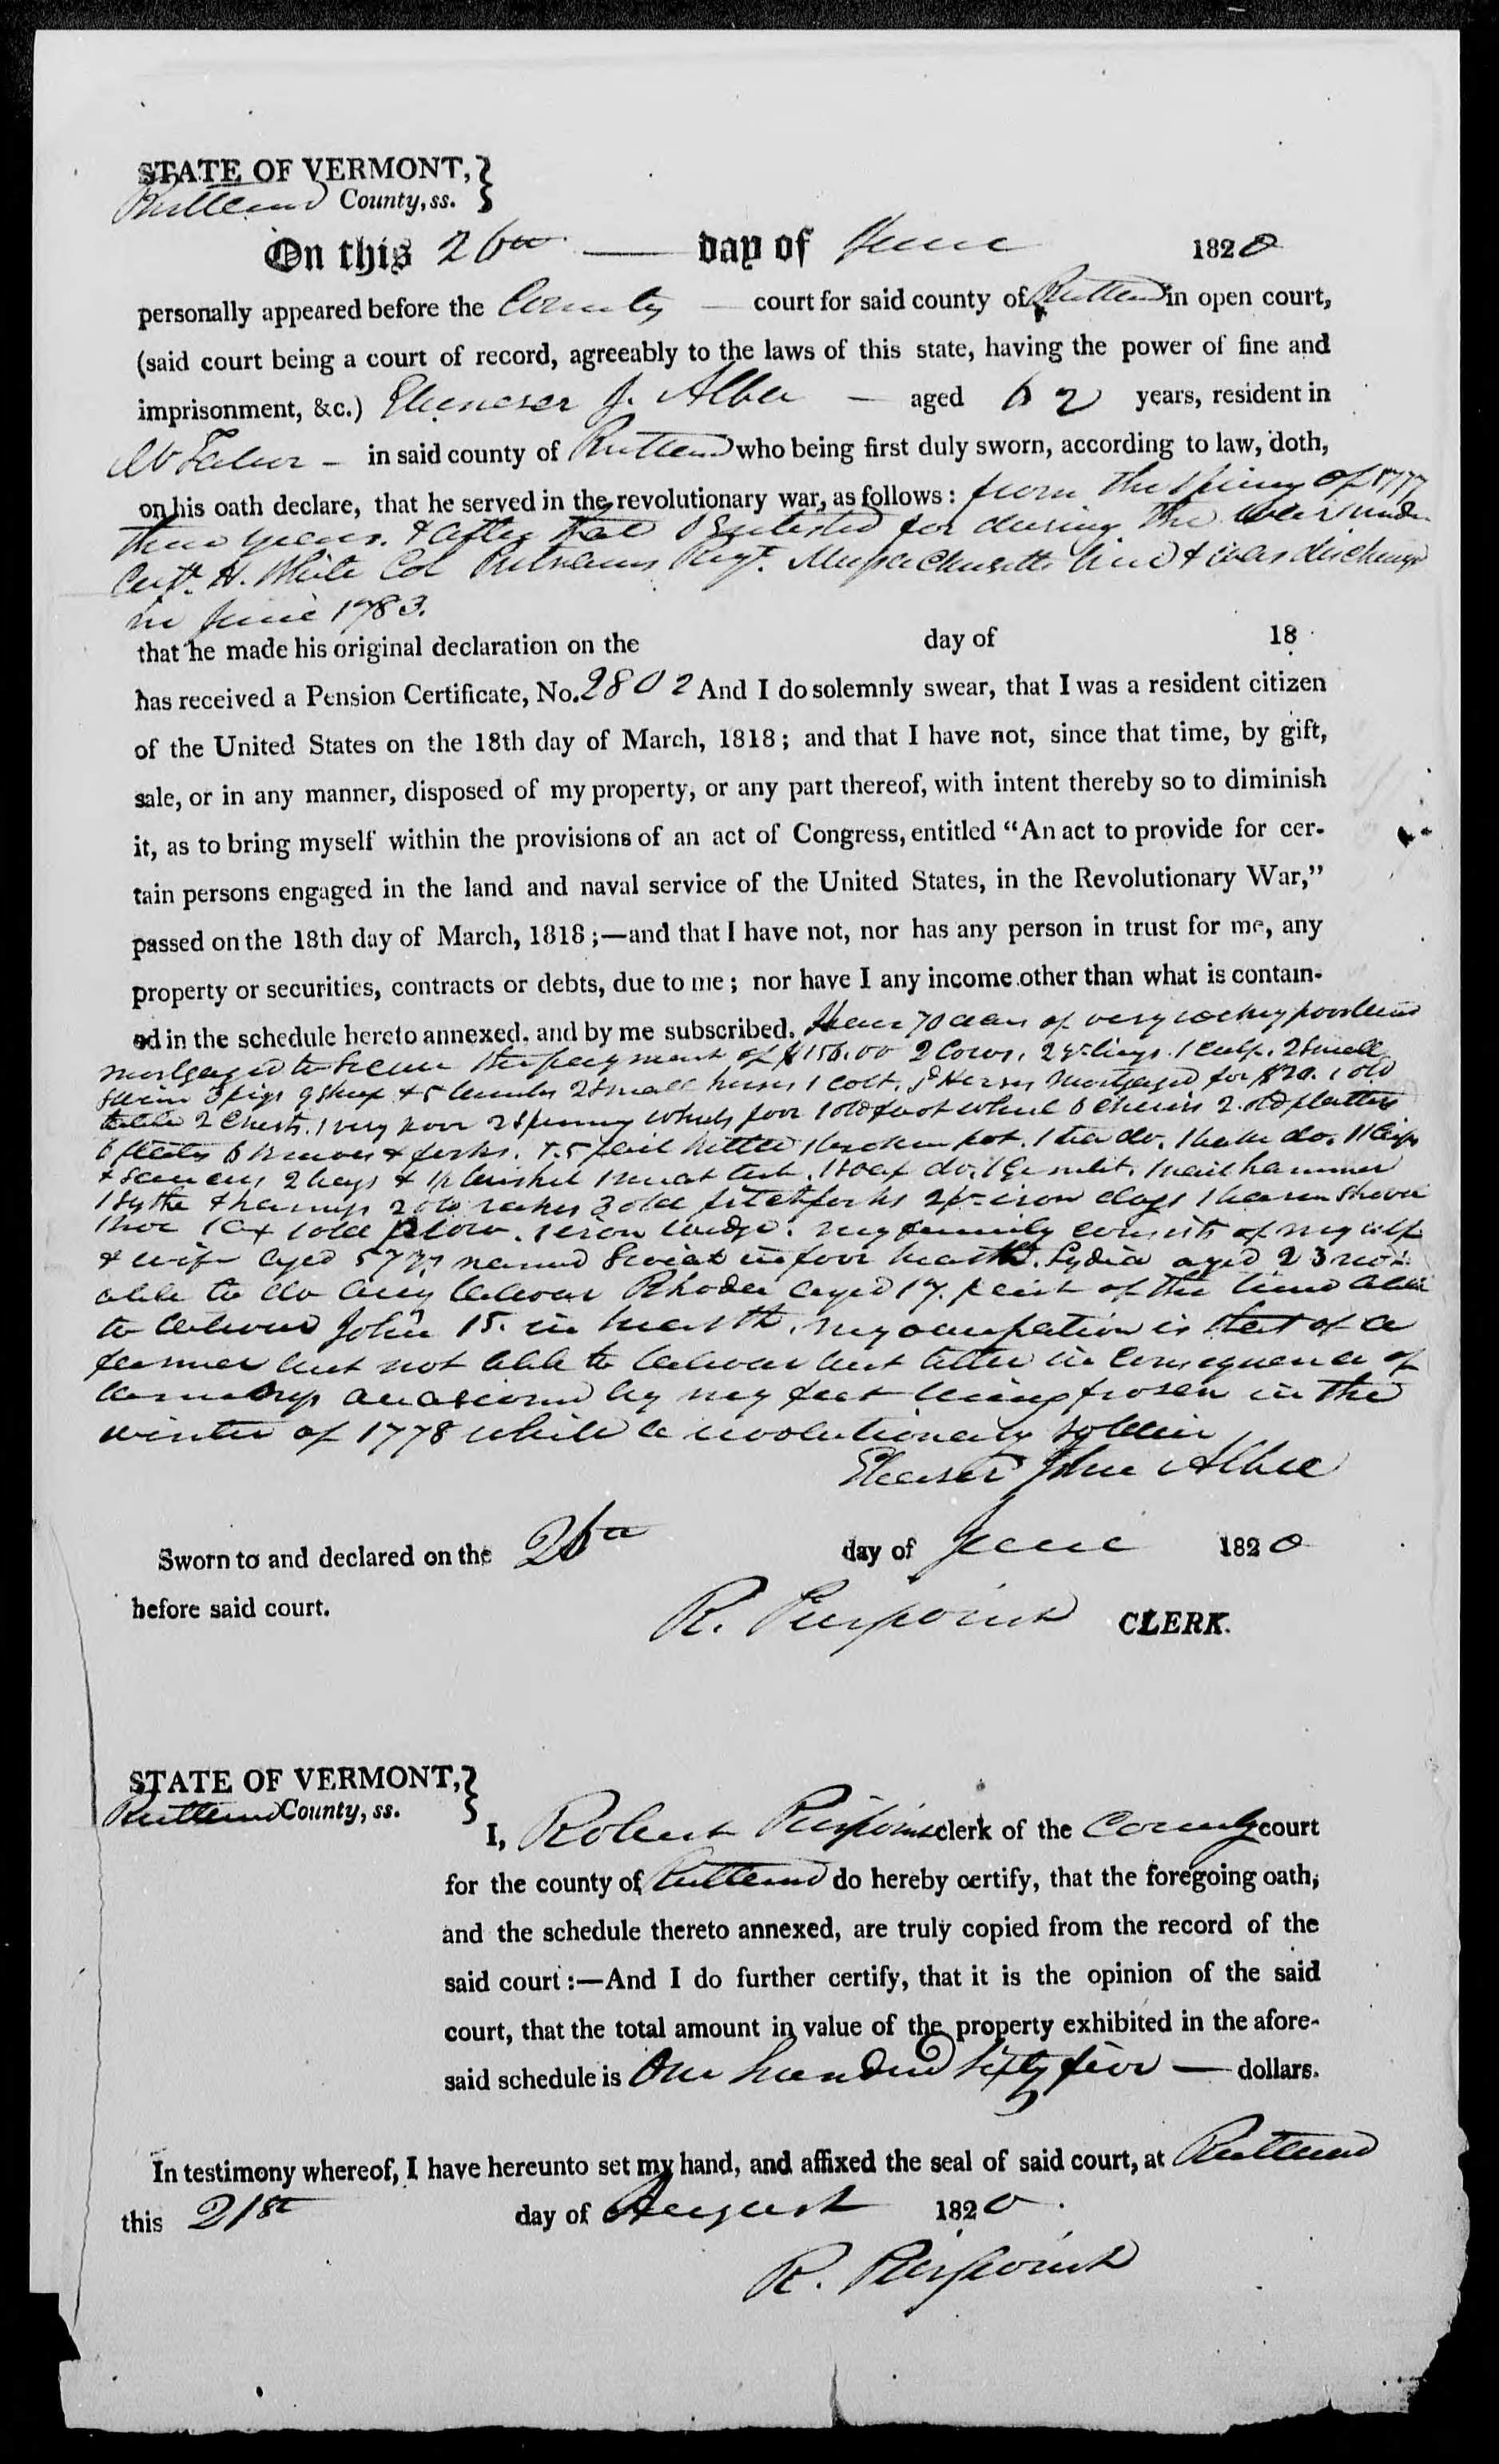STATE OF VERMONT, Rutland County, ss ⎬ 
On this 26th day of 1828 personally appeared before the County Court for said county of Rutland in open court, said court being a court of record, agreeably to the laws of this state, having the power of fine and imprisonment, &c. ) Eliezer Albee, aged 62 years, resident in in said county of Rutland who being first duly sworn, according to law, doth, on his oath declare, that he served in the revolutionary war, as follows: 
from the spring of 1777 three years & after that I enlisted for during the war under Capt H. White Col Putnams Regt Massachusetts line & was discharged in June 1783. 

that he made his original declaration on the [blank] day of 18[blank] has received a Pension Certificate, No. 2802 And I do solemnly swear, that I was a resident citizen of the United States on the 18th day of March, 1818; and that I have not, since that time, by gift, sale, or in any manner, disposed of my property, or any part thereof, with intent thereby so to diminish it, as to bring myself within the provisions of an act of Congress, entitled ""An act to provide for certain persons engaged in the land and naval service of the United States, in the Revolutionary War," passed on the 18th day of March, 1818; and that I have not, nor has any person in trust for me, any property or securities, contracts or debts, due to me; nor have I any income other than what is contained in the schedule hereto annexed, and by me subscribed. 

I have 70 acres of very rocky poor land mortgaged to fence the payment of $156.00 2 Cows,2 yearlings, 1 calf, 2 sins 3 pigs 9 sheep & 5 lambs 2 small horse 1 colt 2 horses mortgaged for $20 1 old  table, 2 chests, 1 very poor old spinning wheels for 1 old wheel & cheeses 2 old platters 6 plates & 12 & forks, 1.5 pail hitter, 1 broken pot, 1 table, 11 cups & saucers 2 keys and 1/2 bushel [illegible], 1 axe do, 1 [illegible] 1 nail hammer, 1 scythe & harness 2 rakes 3 old pitchfork,2 pr iron logs, 1 broken shovel, I & old plow. Iron wedge, 

my family consists of myself & wife aged 57 yrs  named Seviet in poor health, Lydia aged 23 not able to do any labour, Rhodes aged 17 part of the time be to labor John 15 in health, my occupation is that of a farmer but not able to labour but little in consequence of [illegible] by my feet being frozen in the winter of 1778 while a revolutionary soldier
Eleazer John Albee

Sworn to and declared on the 21st day of June 1820 before said court. 
R Pierpoint CLERK

STATE OF VERMONT, Rutland County, ss. 
I, R. Pierpoint Clerk  of the County Court for the county of Rutland do hereby certify, that the foregoing oath, and the schedule thereto annexed, are truly copied from the record of the said court:--And I do further certify, that it is the opinion of the said court, that the total amount in value of the property exhibited in the aforesaid schedule is one hundred sixty five dollars. 

In testimony whereof, I have hereunto set my hand and affixed the seal of said court at Rutland this 21st day of August 1820 
R Pierpoint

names: Robert Pierpoint, H White, R Pierpoint, Ebenezer J Albee, Eleazer John Albee, R Pierpoint, John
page: 7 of 29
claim: survivor's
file: S 41404, Eleazer John Albee, Mass. Privateer